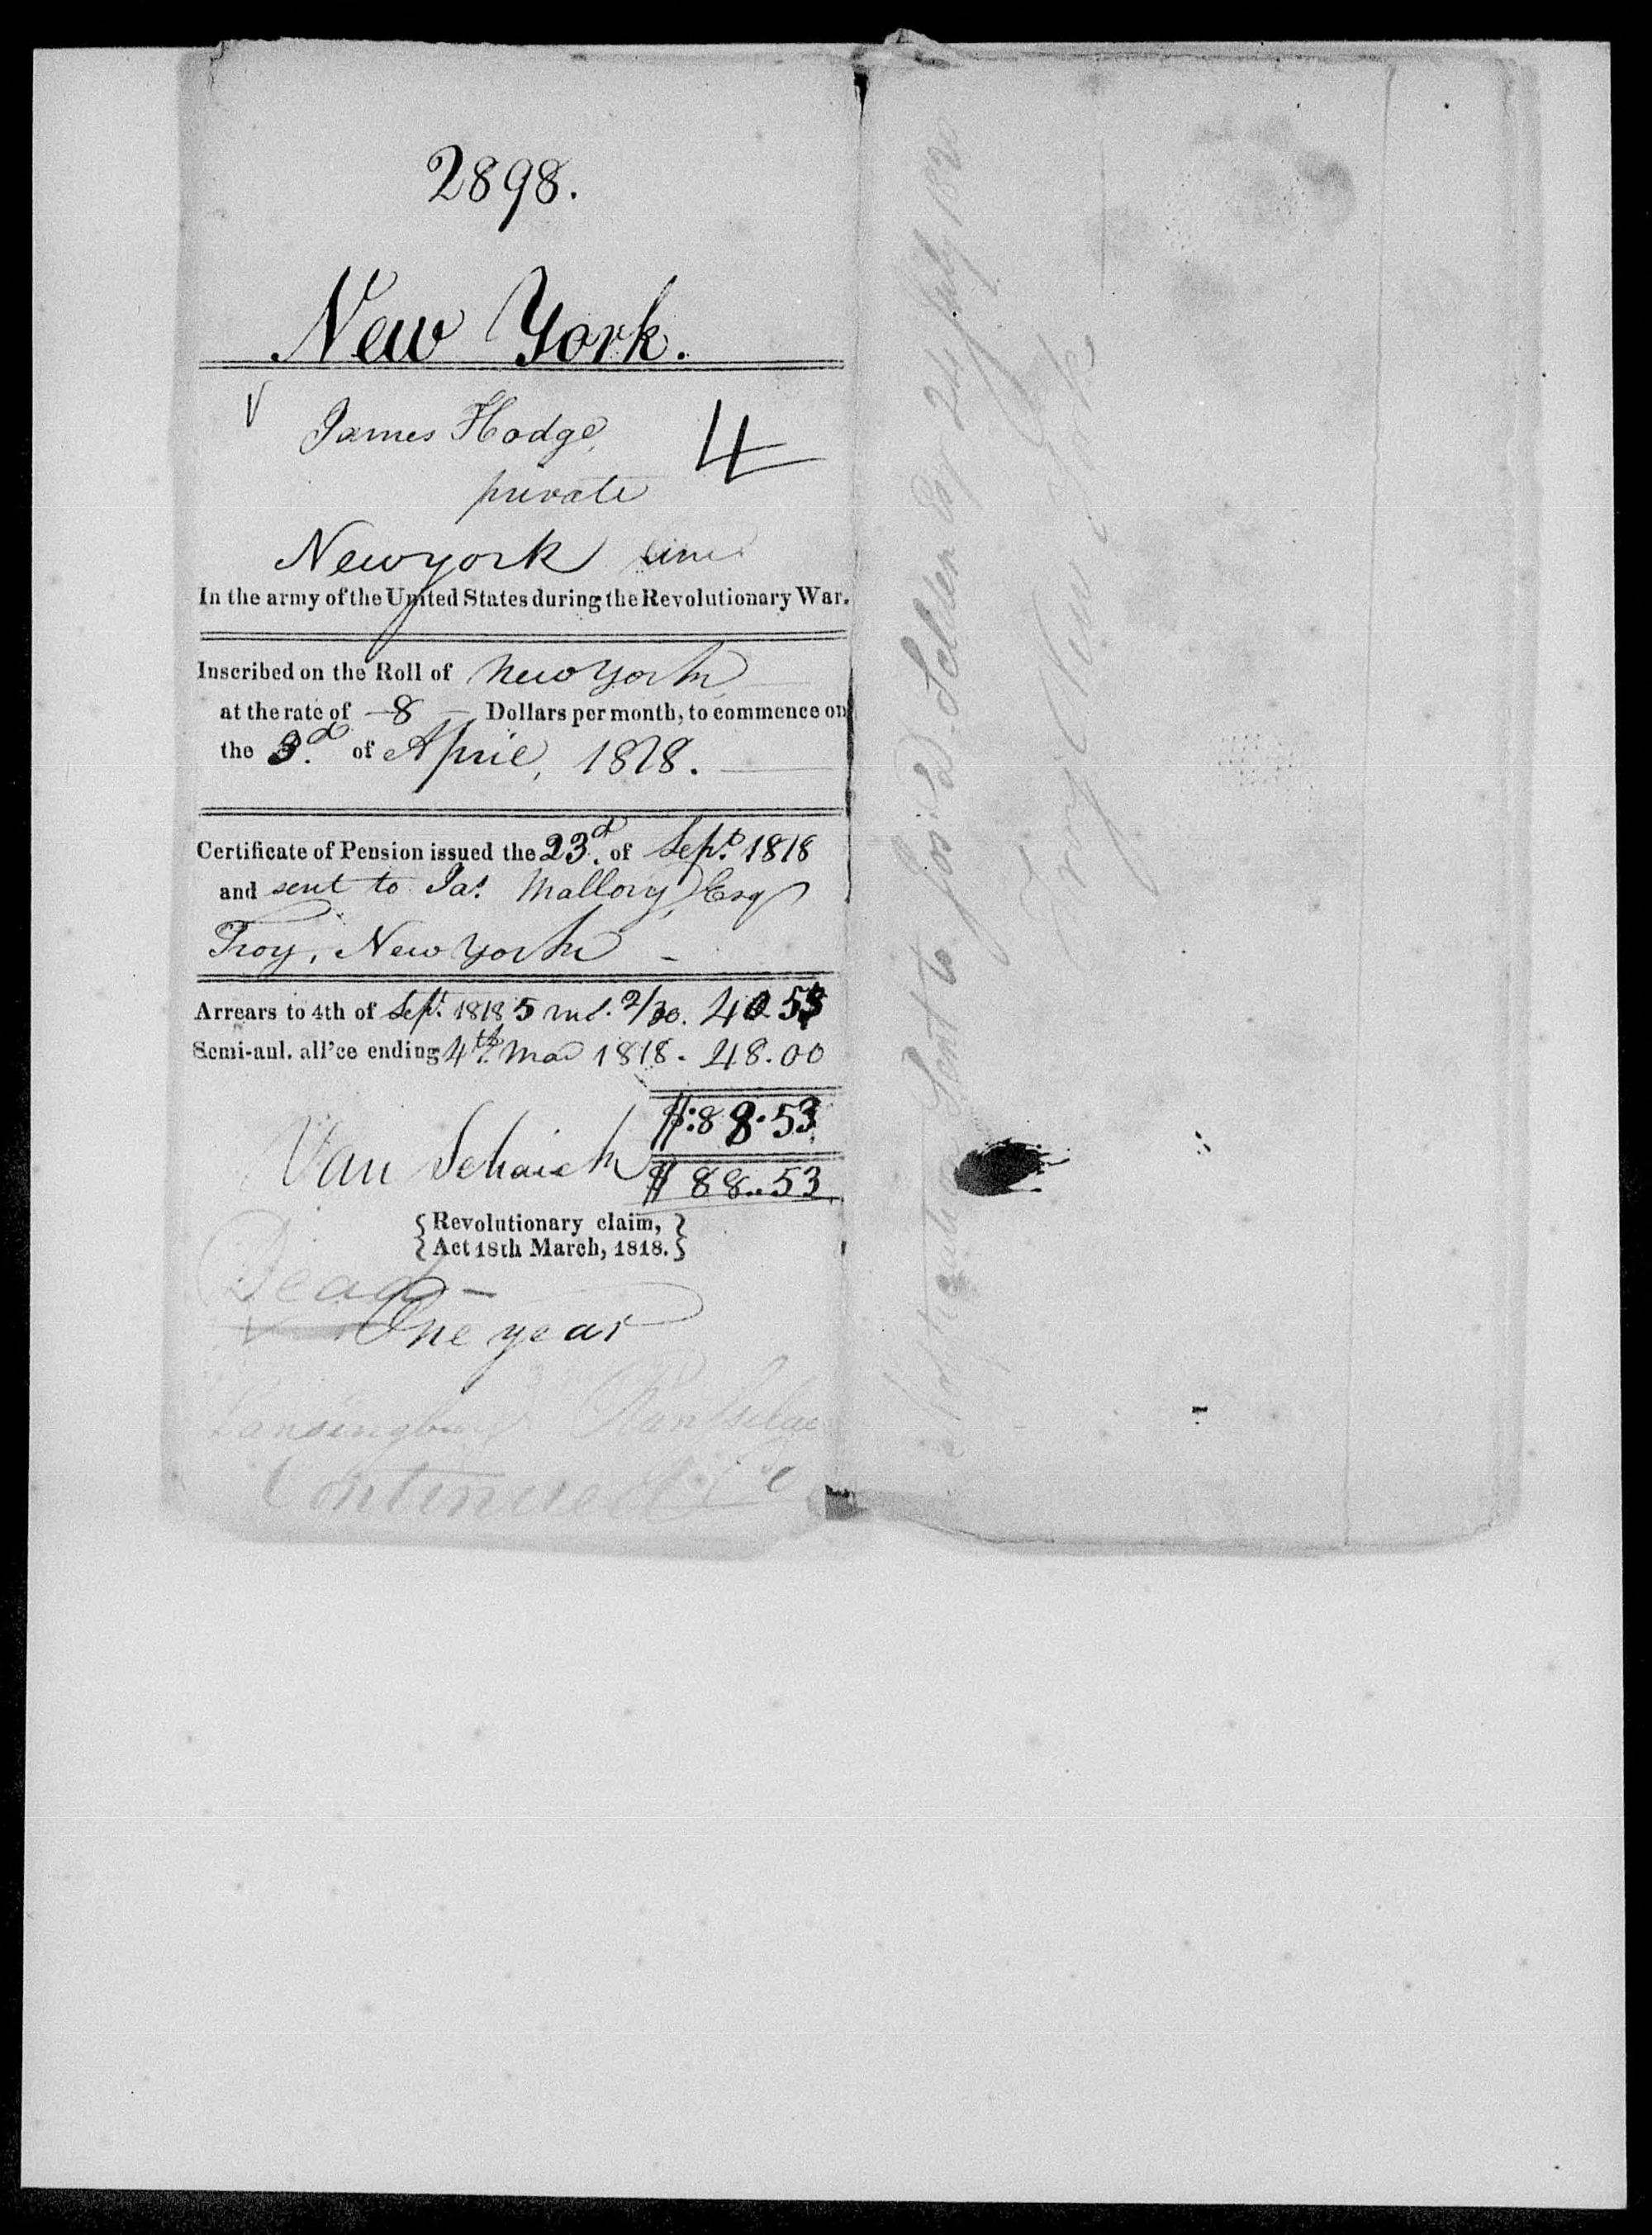2898.
New York.
James Hodge
private
New york
In the army of the United States during the Revolutionary War.
Inscribed on the Roll of New York 
at the rate of 8 Dollars per month, to commence on
the 3d of April, 1818
Certificate of Pension issued the 23d of Sep. 1818
and sent to Ja. Malloy Esq
Troy, New York
Arrears to 4th of Sep. 1818 5 and 2/30. 40.5$
Semi-anl. all'ce ending 4th Mar 1818. 48.00
Van Schaick $:88.53
$:88.53
{Revolutionary claim, 
Act 18th March, 1818.}

[Handwritten] Dead-
One year
[illegible]
Continued

[illegible] Sent to Jas D.folder Esq 24 July 1820
Troy, New York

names: James Hodge, Van Schaick, Jas Mallory, Jos D Selden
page: 15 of 48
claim: widow's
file: W. 10476, James Hodge, New York